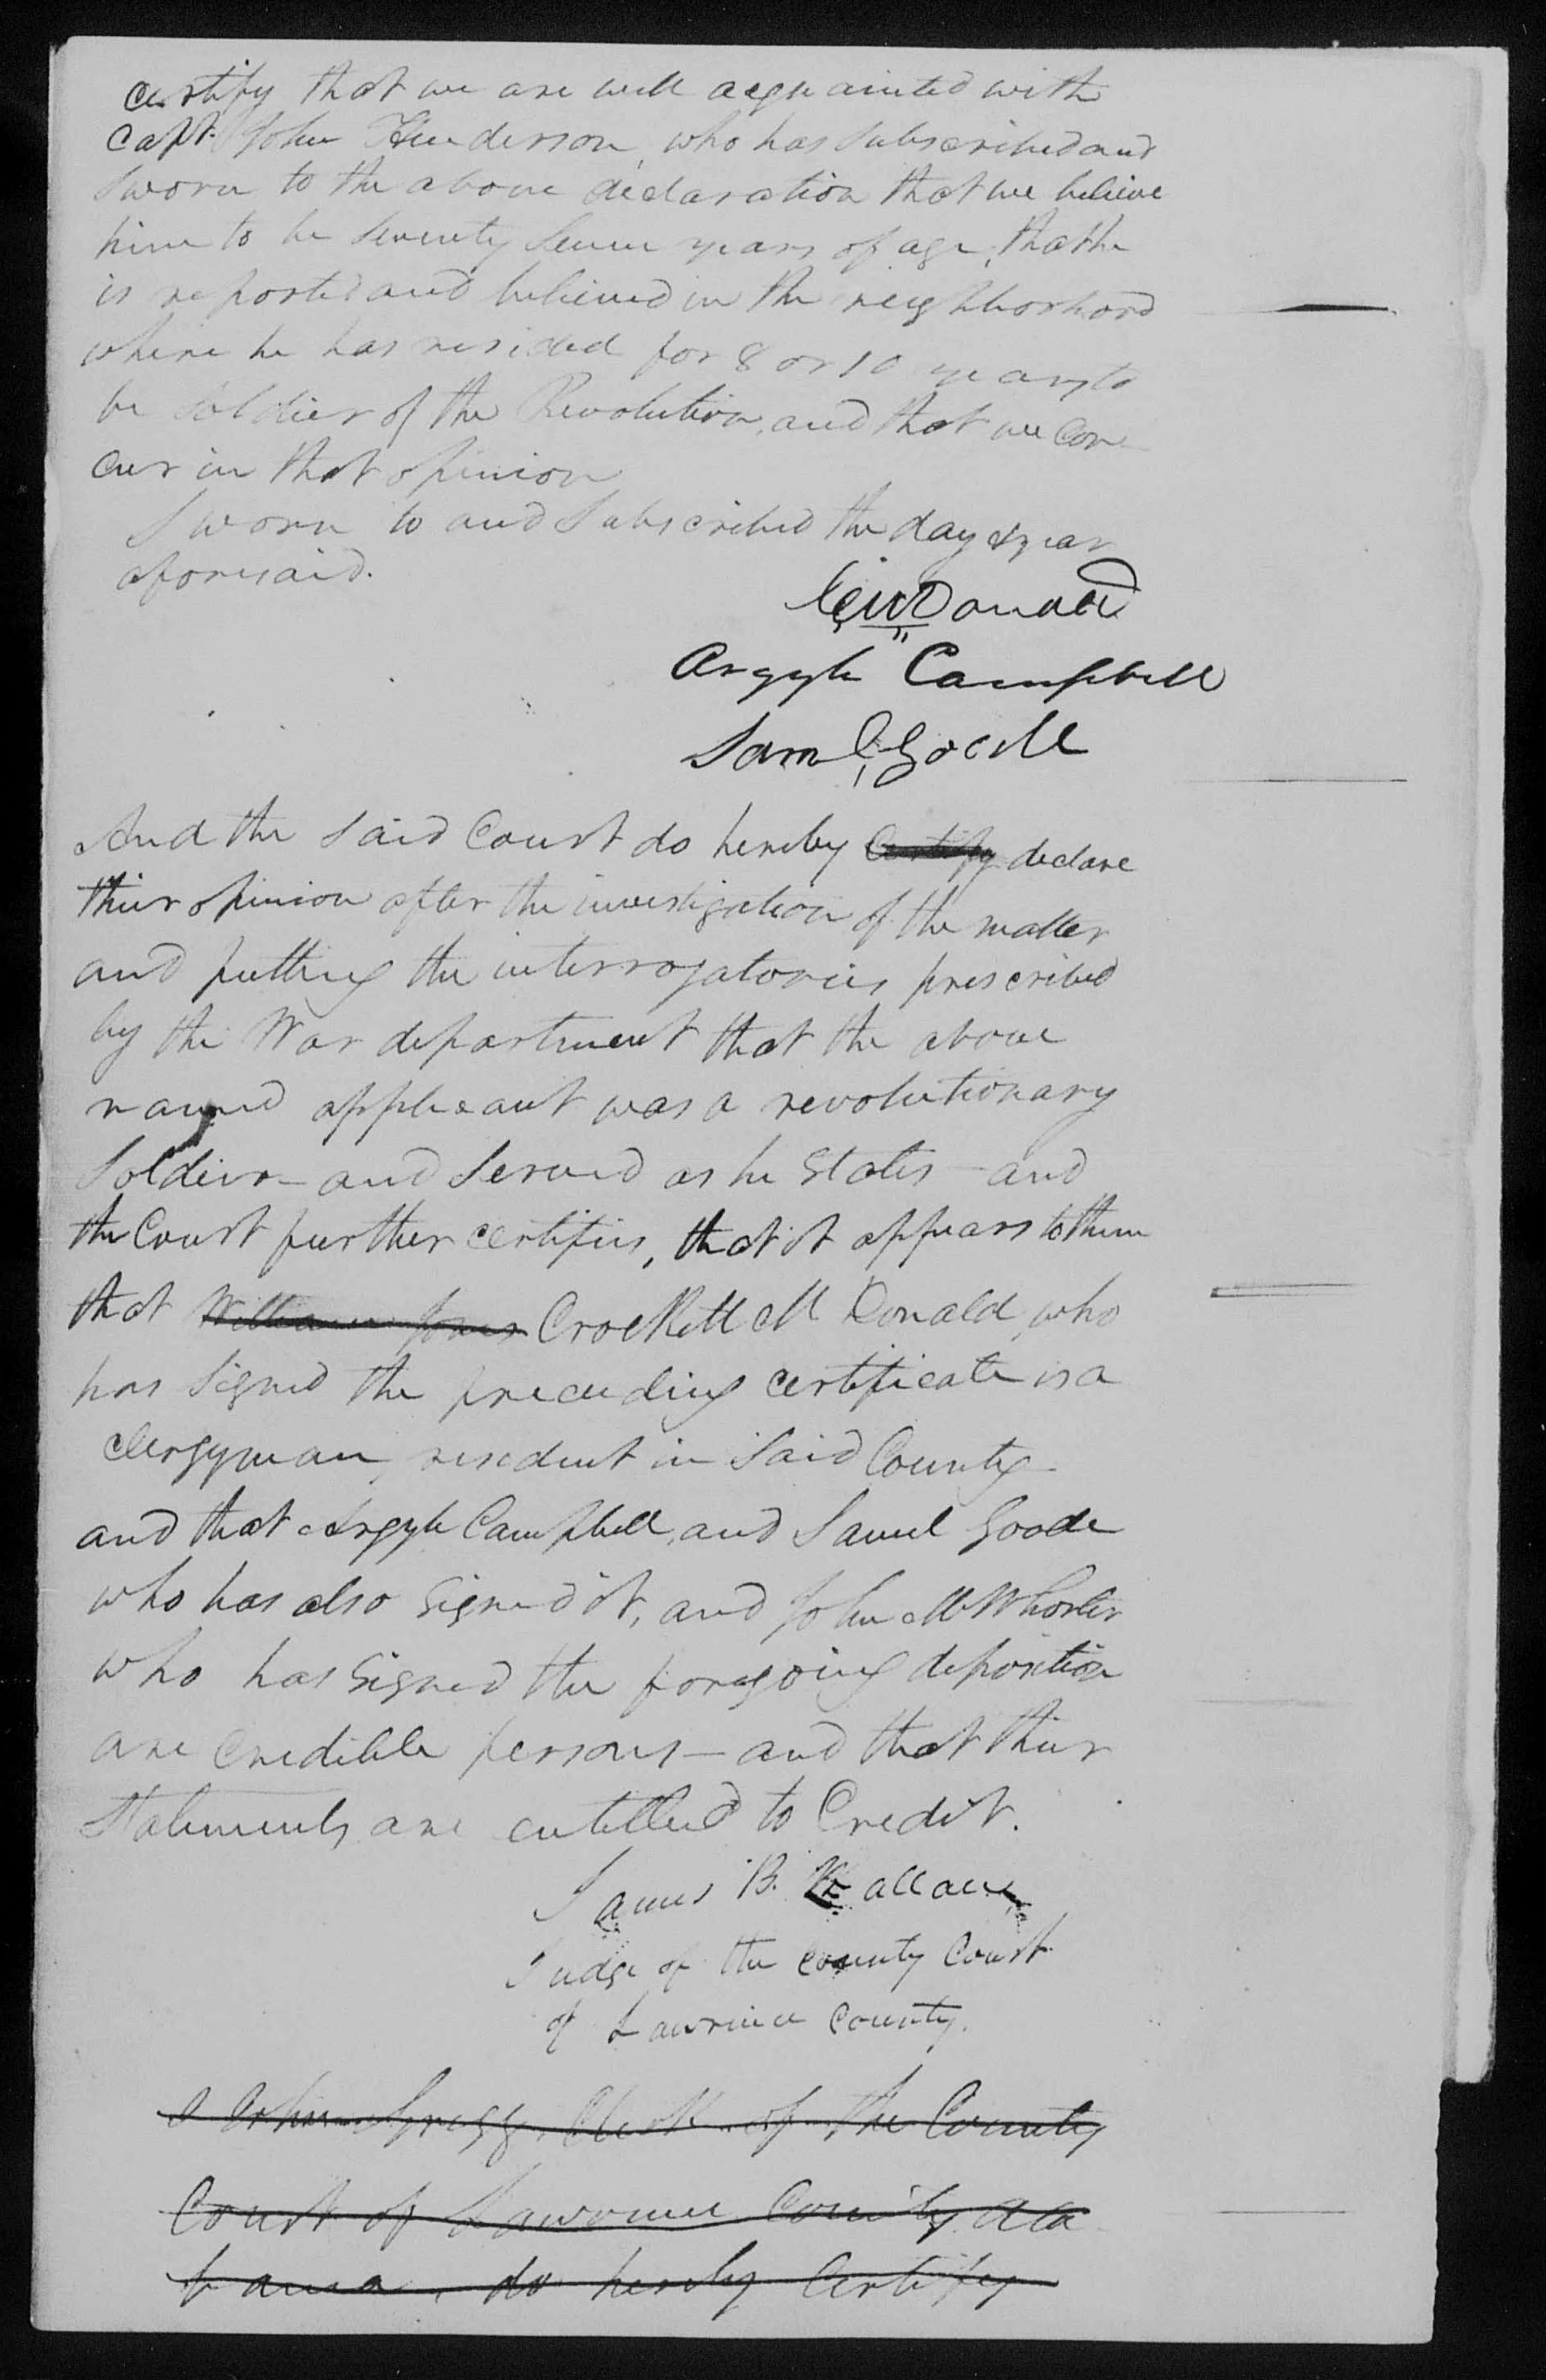certify that we are well acquainted with Capt. John Henderson, who has subscribed and sworn to the above declaration that we believe him to be seventy seven years of age, that he is reputed and believed in the neighborhood where he has resided for 8 or 19 years to be soldier of the Revolution and that we concur in that opinion.
C McDonald
Argyle Campbell
Saml Goode

And the said Cour do hereby declare their opinion after the investigation of the matter and putting the interrogatories prescribed by the War department that the above named applicant was a revolutionary soldier - and served as he states - and the Court further certifies, that it appears to them that Crockett McDonald, who has signed the preceeding certificate is a clergyman resident in said County and that Argyle Campbell, and Saml. Goode who has also signed it, and John McWhorter who has signed the foregoing deposition are credible persons - and that their statements are entitled to credit. 
James B. Wallace
Judge of the County Court of Lawrence County

(last three lines with line drawn through)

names: William Jones, Argyle Campbell, John Mc Whorter, John Griggs, Saml Goode, Argyle Campbell, James B Wallace, Crockett Mc Donald, C Mc Donald, John Henderson, Saml Goode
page: 8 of 40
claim: rejected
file: R. 4,869, John Henderson, S.C.